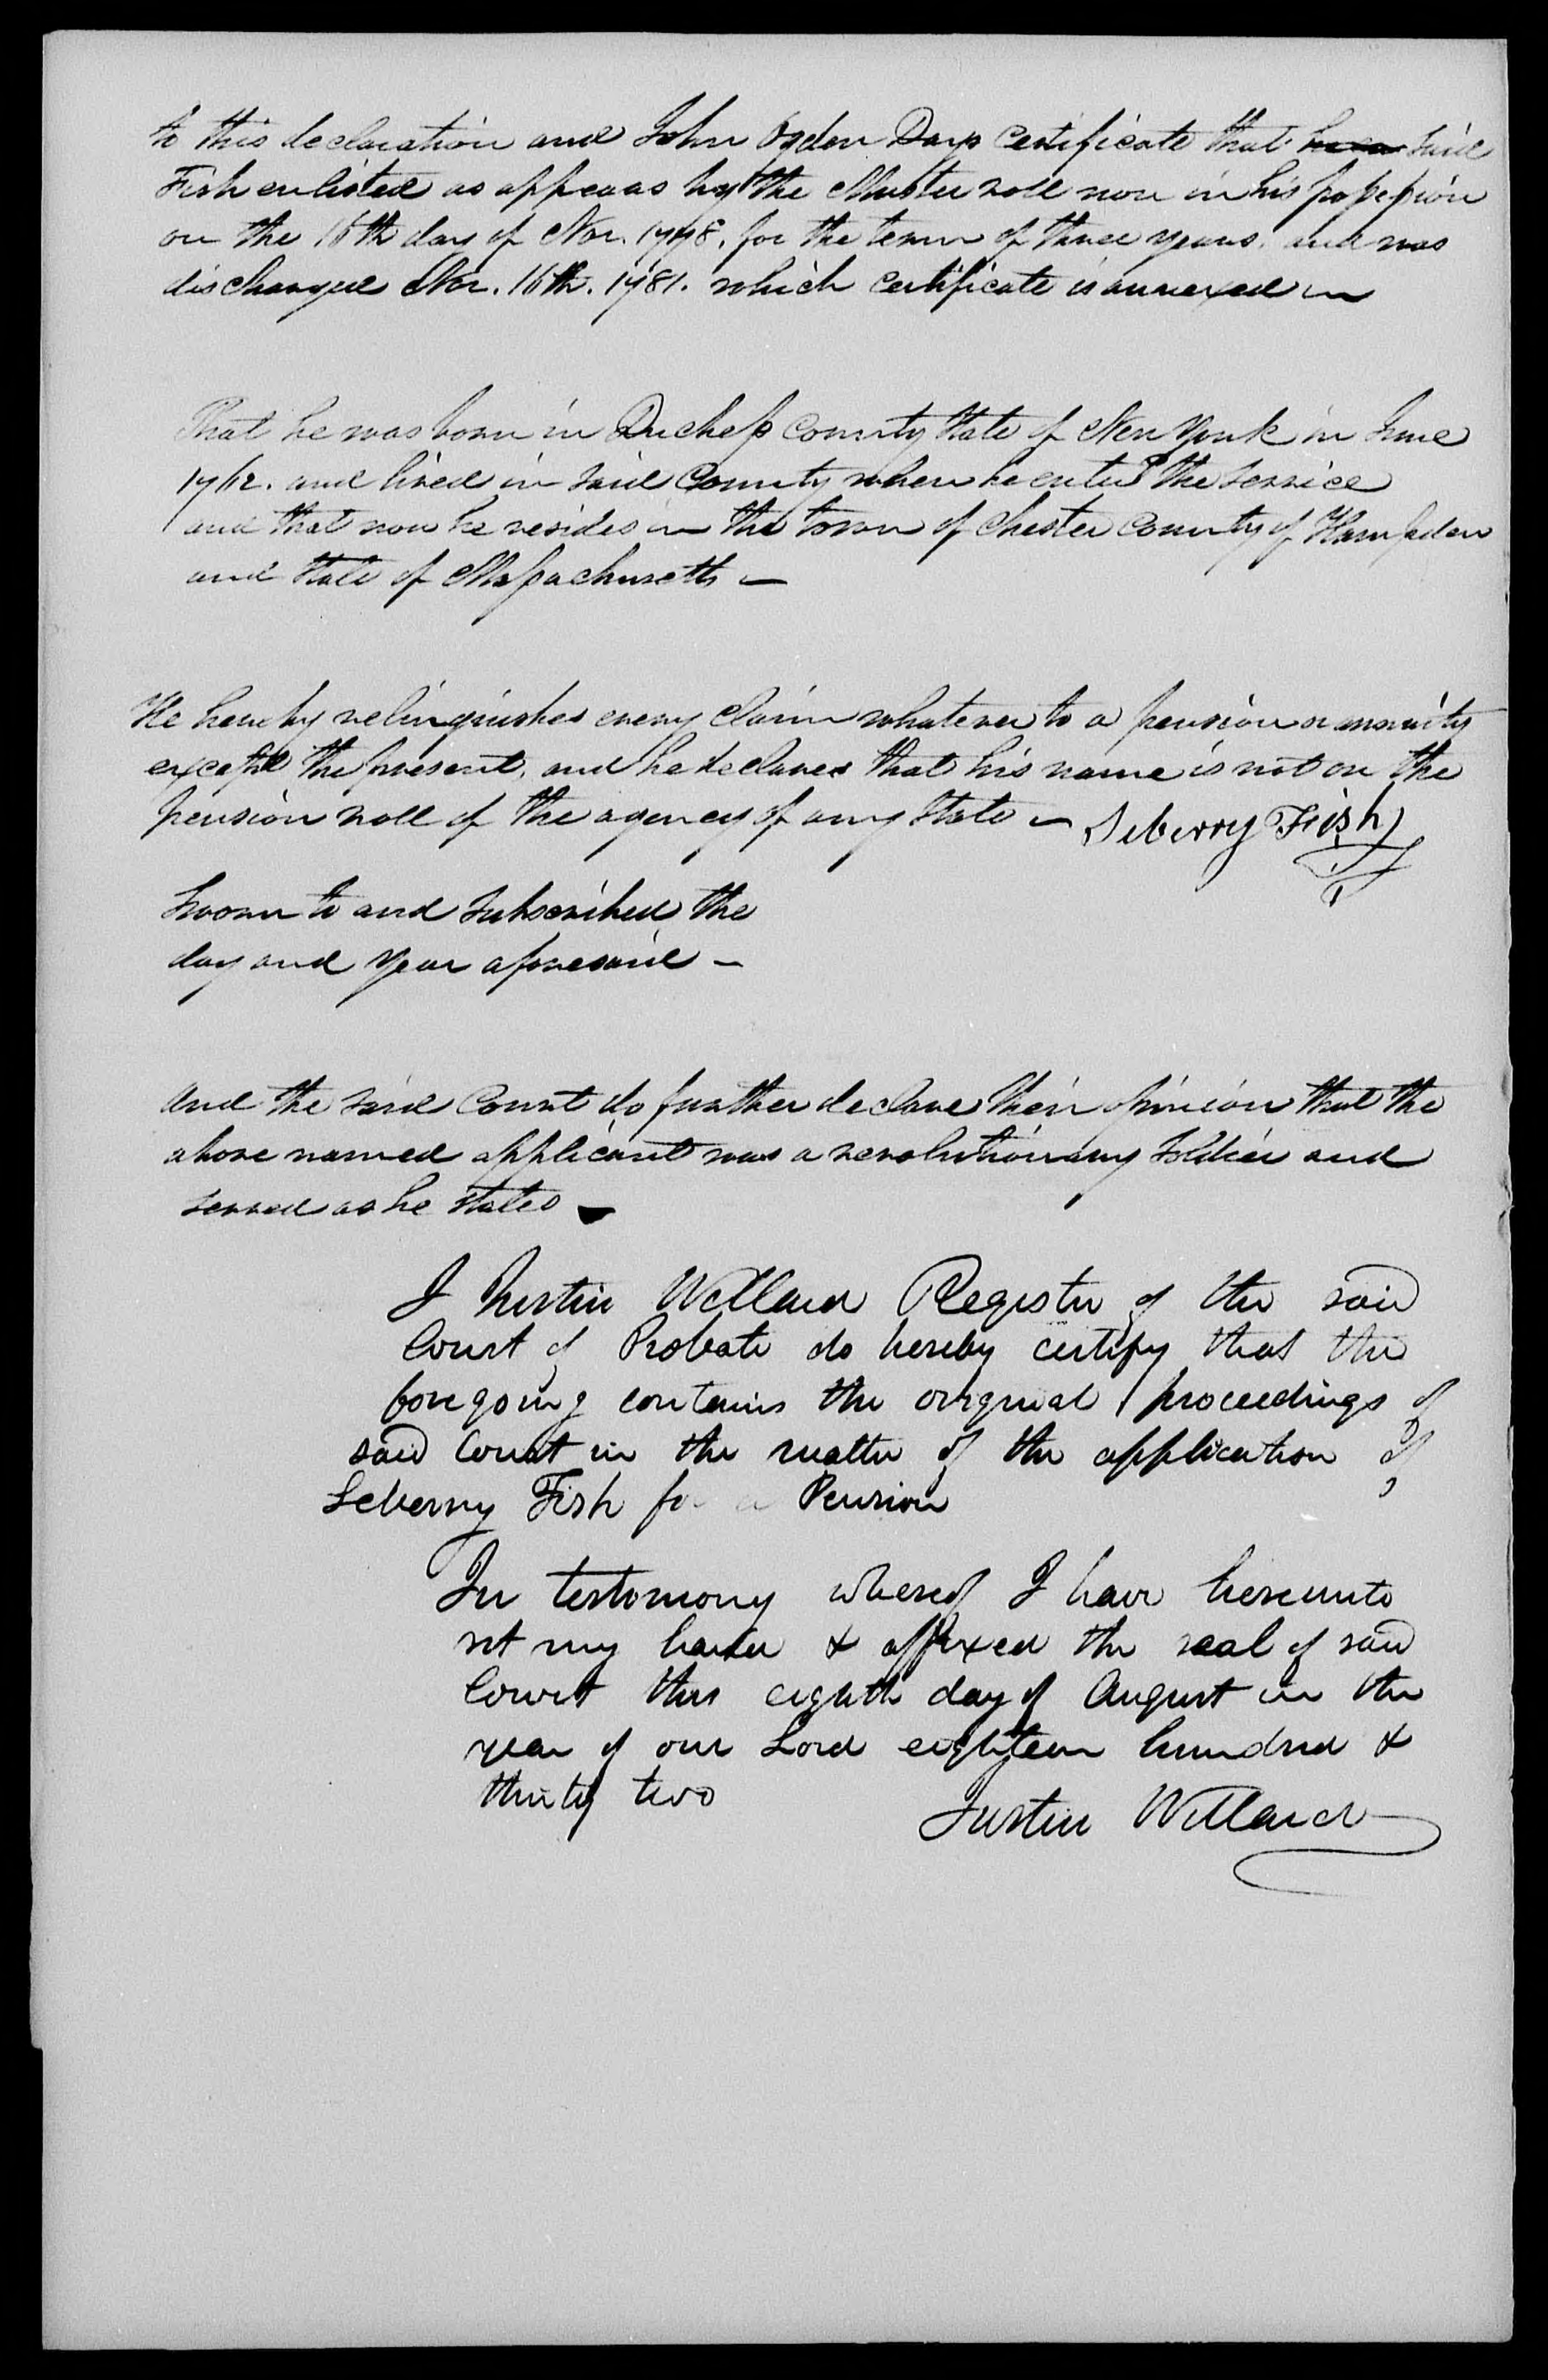[Handwritten document}

to this declaration and John Ogden Days certificate that [here "he sa" is crossed out] Said Fish enlisted as appears by the Muster roll now in his possession on the 16th day of Nov. 1778, for the term of three years. and was discharged {?] Nov. 16th. 1781. which Certificate is annexed ~~

[In lighter ink] That he was born in Duchess County State of New York in June 1762, and lived in Said County where he enterd the Service and that now he resides in the town of Chester  County of Hampden and State of Massachusetts __

He hereby relinquishes every claim whatever to a pension or. annuity except the present, and he declares that his name is not on the pension roll of the agency of any State ~ [signature] Seberry Fish [with a flourish underneath the surname.]

Sworn to and Subscribed the day and Year aforesaid ~ 

And the Said Court do further declare Their opinion that the above named applicant was a revolutionary Soldeir [or Soldier] and Served as he States  [Here there is a hand-drawn filled-in triangle pointing back to the last word in this statement segment.]

[In different handwriting:]  I [?] Justin Willard  Register of the said Court of Probate do hereby certify that the foregoing contains the original proceedings of said Court in the matter of the application of Seberry Fish for a Pension. 

In testimony whereof I have hereunto set my hand & affixed the seal of said Court this eighth day of August in the year of our Lord eighteen hundred & thirty two 
Justin Willard [signed with a flourish]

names: John Ogden, Seberry Fish, Justin Willard, Justin Willard, Seberry Fish, Fish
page: 5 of 26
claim: survivor's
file: S. 29797, Seberry Fish, New York